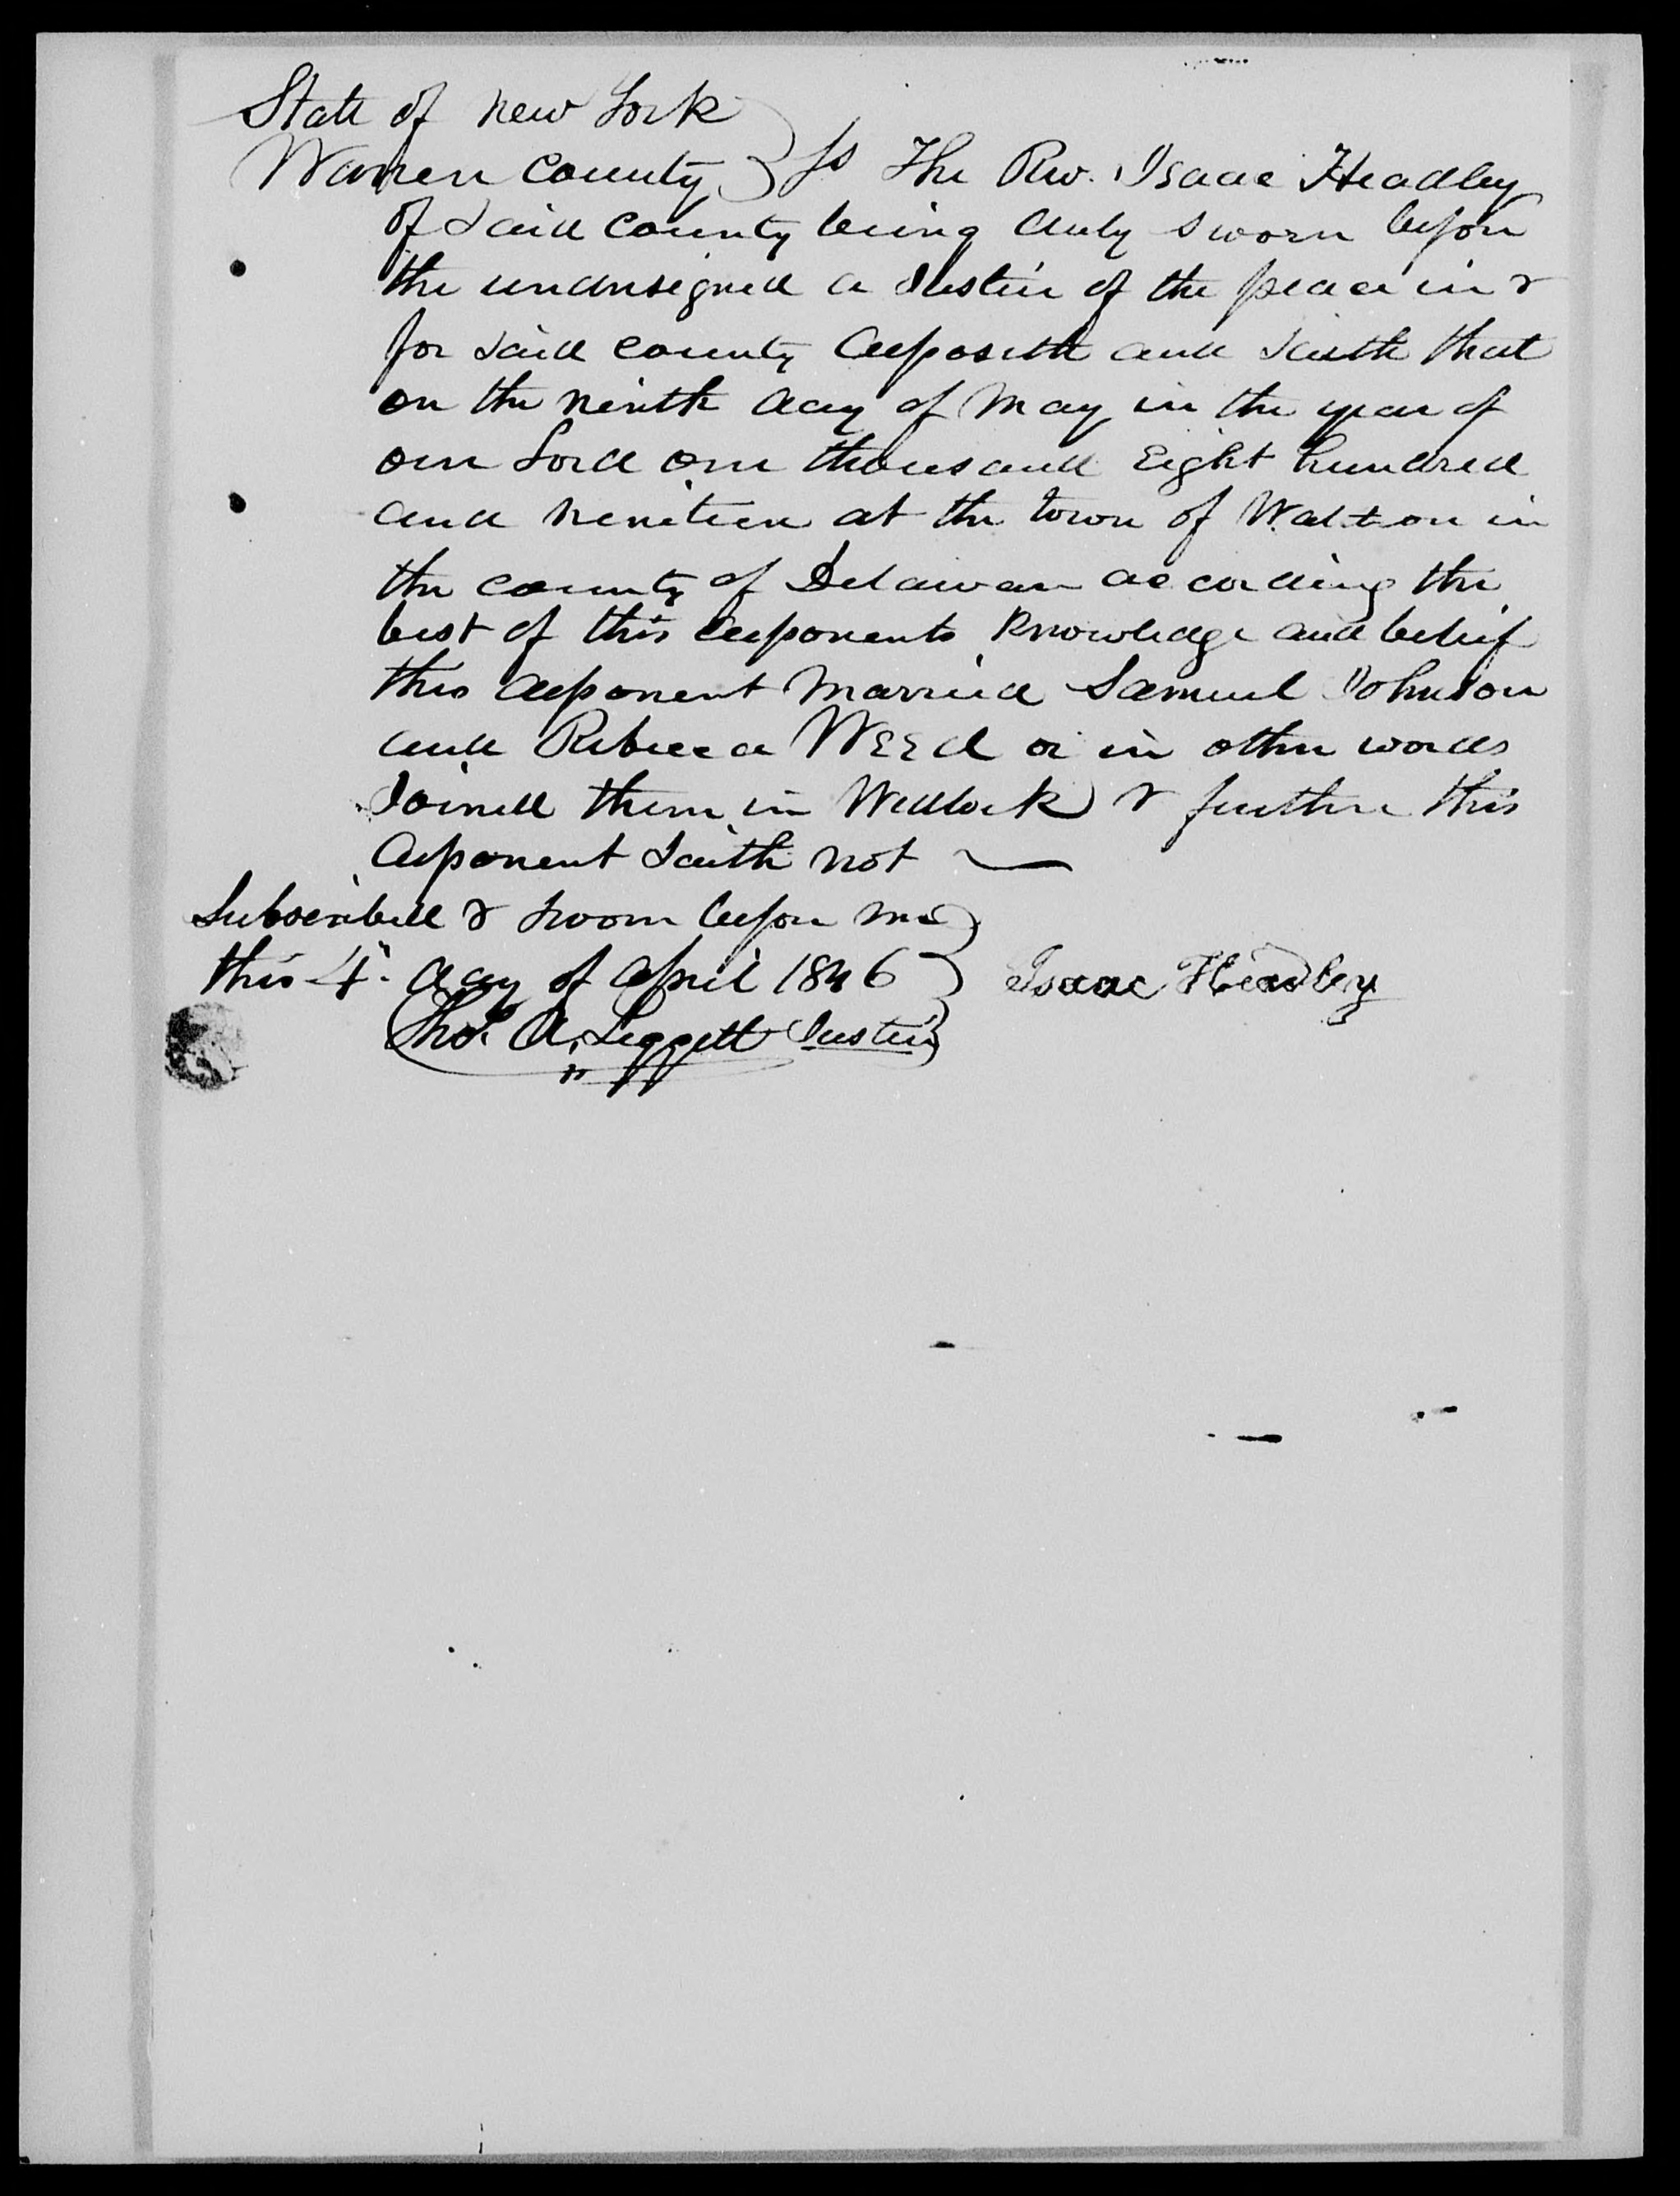State of New York 
Warren County} ss The Rev. Isaac Headley of said county being duly sworn before the undersigned a Justice of the Peace in & for said county deposeth and saith that on the ninth day of May in the year of our Lord one thousand eight hundred and nineteen at the town of Walton in the county of Delaware according the best of this deponents knowledge and belief this deponent married Samuel Johnson and Rebecca Weed or in other words joined them in wedlock & further this deponent sayeth not  
Isaac Headley
Subscribed & sworn before me this 4th day of April 1846
Thos A. Leggett Justice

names: Rebecca Weed; Thos A Leggett; Isaac Headley; Samuel Johnson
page: 3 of 43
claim: rejected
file: R. 5655, for Samuel Johnson, Connecticut